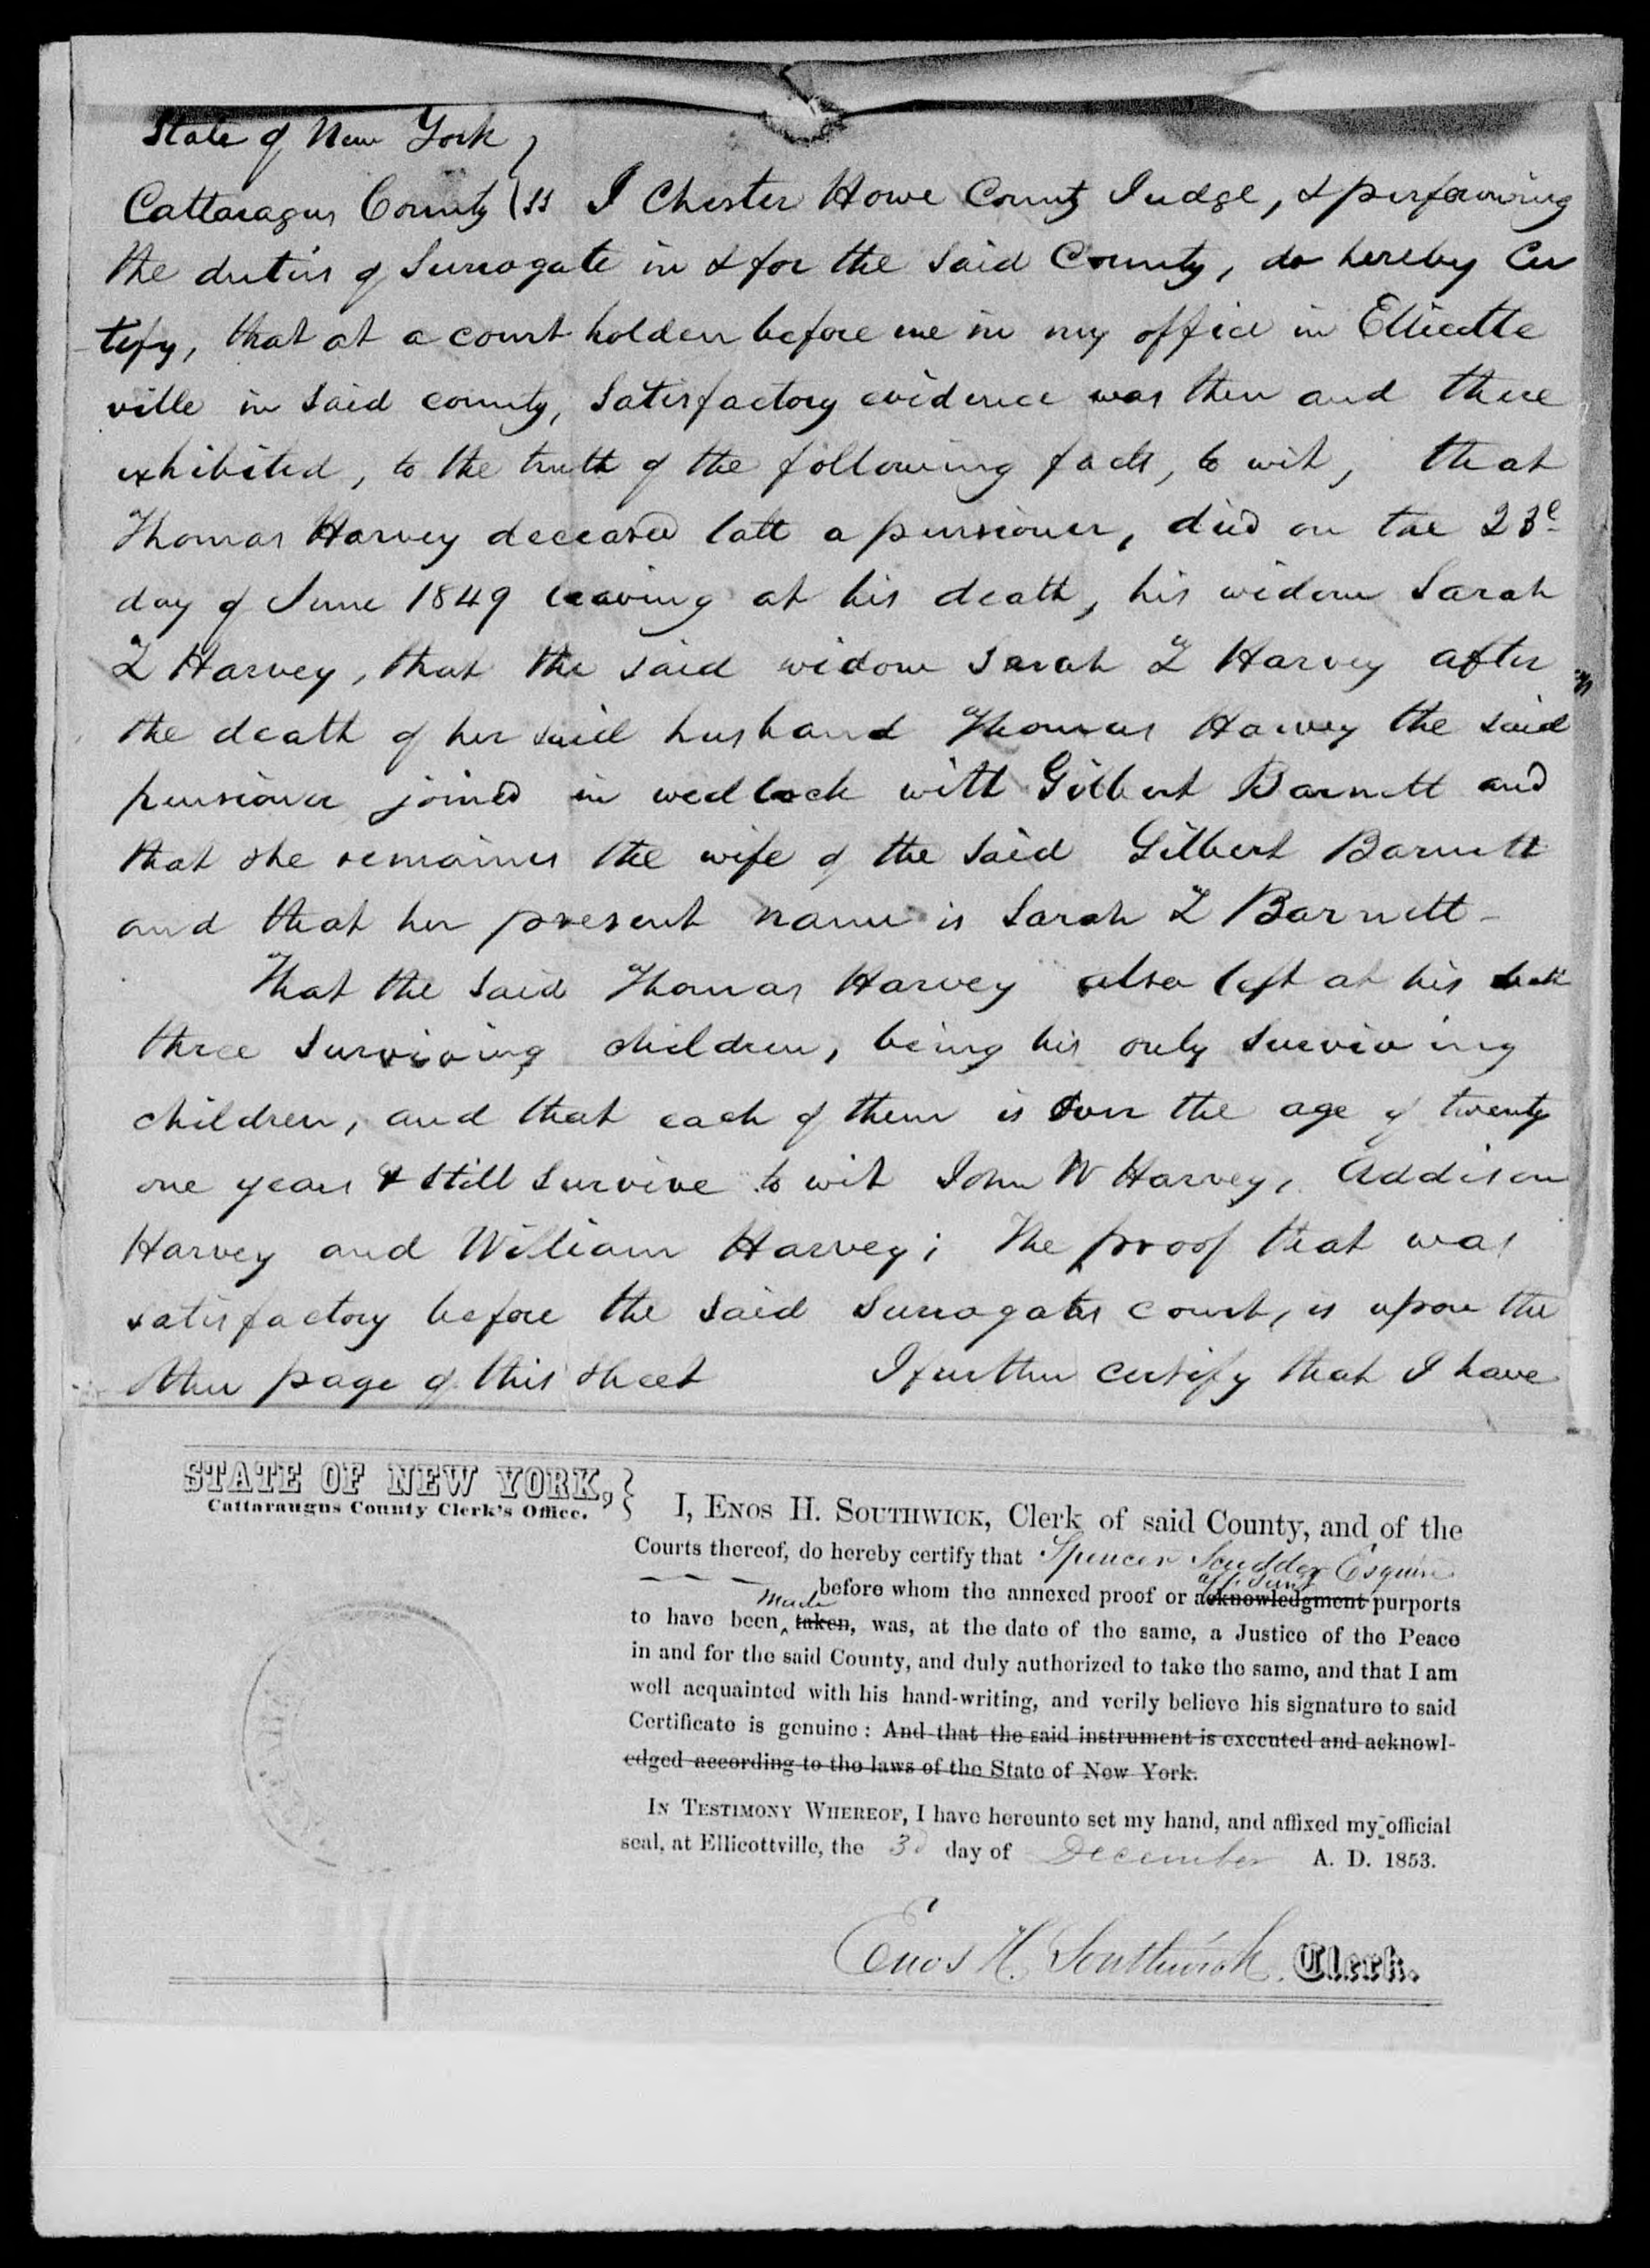State of New York
Cattaraugus County} ss I Chester Howe County Judge, & performing the duties of Surrogate in & for the said County, do hereby certify, that at a court holden before me in my office in Ellicottville in said county, satisfactory evidence was then and there exhibited, to the truth of the following facts, to wit that Thomas Harvey deceased late a pensioner, died on the 23d day of June 1849 leaving at his death, his widow Sarah Z. Harvey, that the said widow Sarah Z. Harvey after the death of her said husband Thomas Harvey the said pensioned joined in wedlock with Gilbert Barnett and that she remains the wife of the said Gilbert Barnett and that her present name if Sarah Z. Barnett - 
That the said Thomas Harvey also left at his death three surviving children, being his only surviving children, and that each of them is over the age of twenty one years & still survive to wit John W. Harvey, Addison Harvey and William Harvey; The proof that was satisfactory before the said surrogate's court, is upon the other page of this sheet I further certify that I have
STATE OF NEW YORK, 
Cattaraugus County Clerk's Office.} I, ENOS H. SOUTHWICK, Clerk of said County, and of the Courts thereof, do hereby certify that Spencer Scudder Esquire before whom the annexed proof or ['acknowledgment' crossed out] affidavit purports to have been ['taken' crossed out] made, was, at the date of the same, a Justice of the Peace in and for the said County, and duly authorized to take the same, and that I am well acquainted with his hand-writing, and verily believe his signature to said Certificate is genuine; ['And that the said instrument is executed and acknowledged according to the laws of the State of New York.' crossed out]
[court seal] IN TESTIMONY WHEREOF, I have hereunto set my hand, and affixed my official seal, at Ellicottville, the 3d day of December A.D. 1853
/s/Enos H. Southwick, Clerk.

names: Enos H Southwick, Sarah Z Harvey, William Harvey, Enos H Southwick, John W Harvey, Gilbert Barnett, Addison Harvey, Sarah Z Barnett, Spencer Scudder, Thomas Harvey, Thomas Harvey, Sarah Z Harvey, Thomas Harvey, Chester Howe, Gilbert Barnett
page: 17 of 80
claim: survivor's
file: S. 18008, Thomas Harvey, N.H.